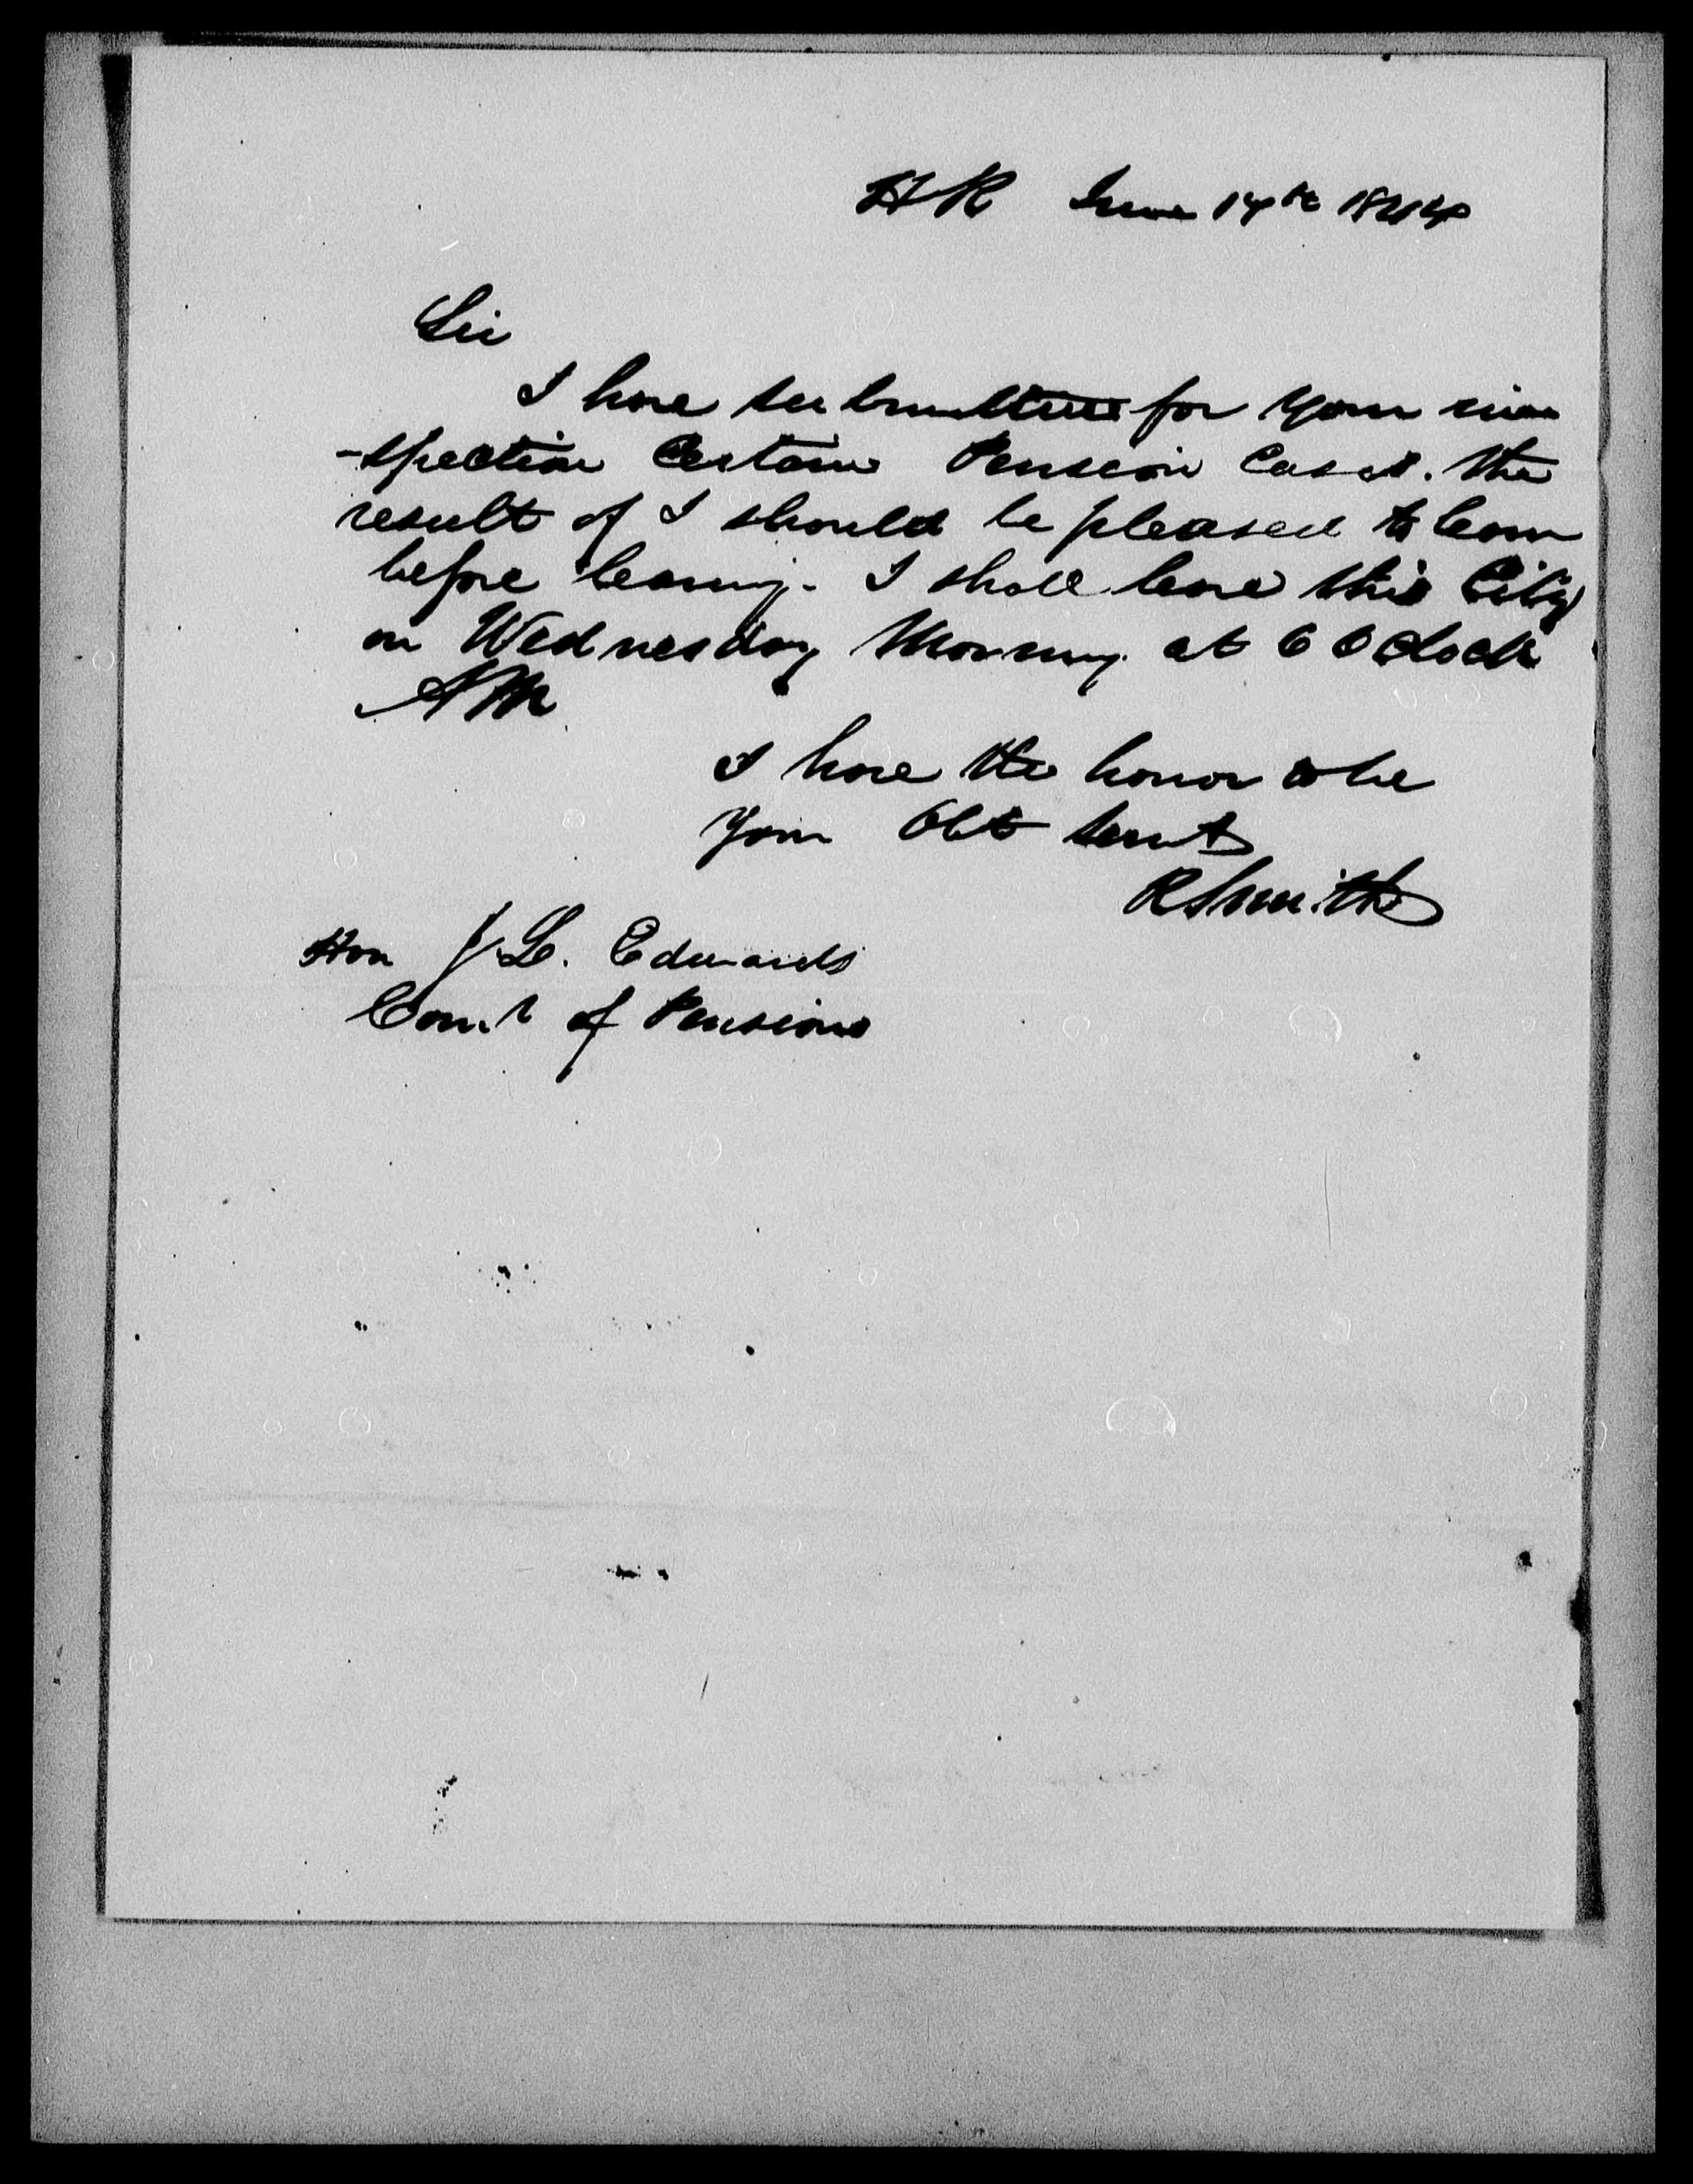H R June 14th 1844 

Sir
I have sent [Illegible] for your inspection certain Pension Cases, the result of I should be pleased to learn before leaving. I shall leave this city on Wednesday Morning at 6 oclock AM 
I have the honor to be Your Obt Sert 
R Smith 

Hon J.L. Edwards Com. of Pensions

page: 43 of 67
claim: widow's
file: W. 21793, for George Mc Lain, North Carolina